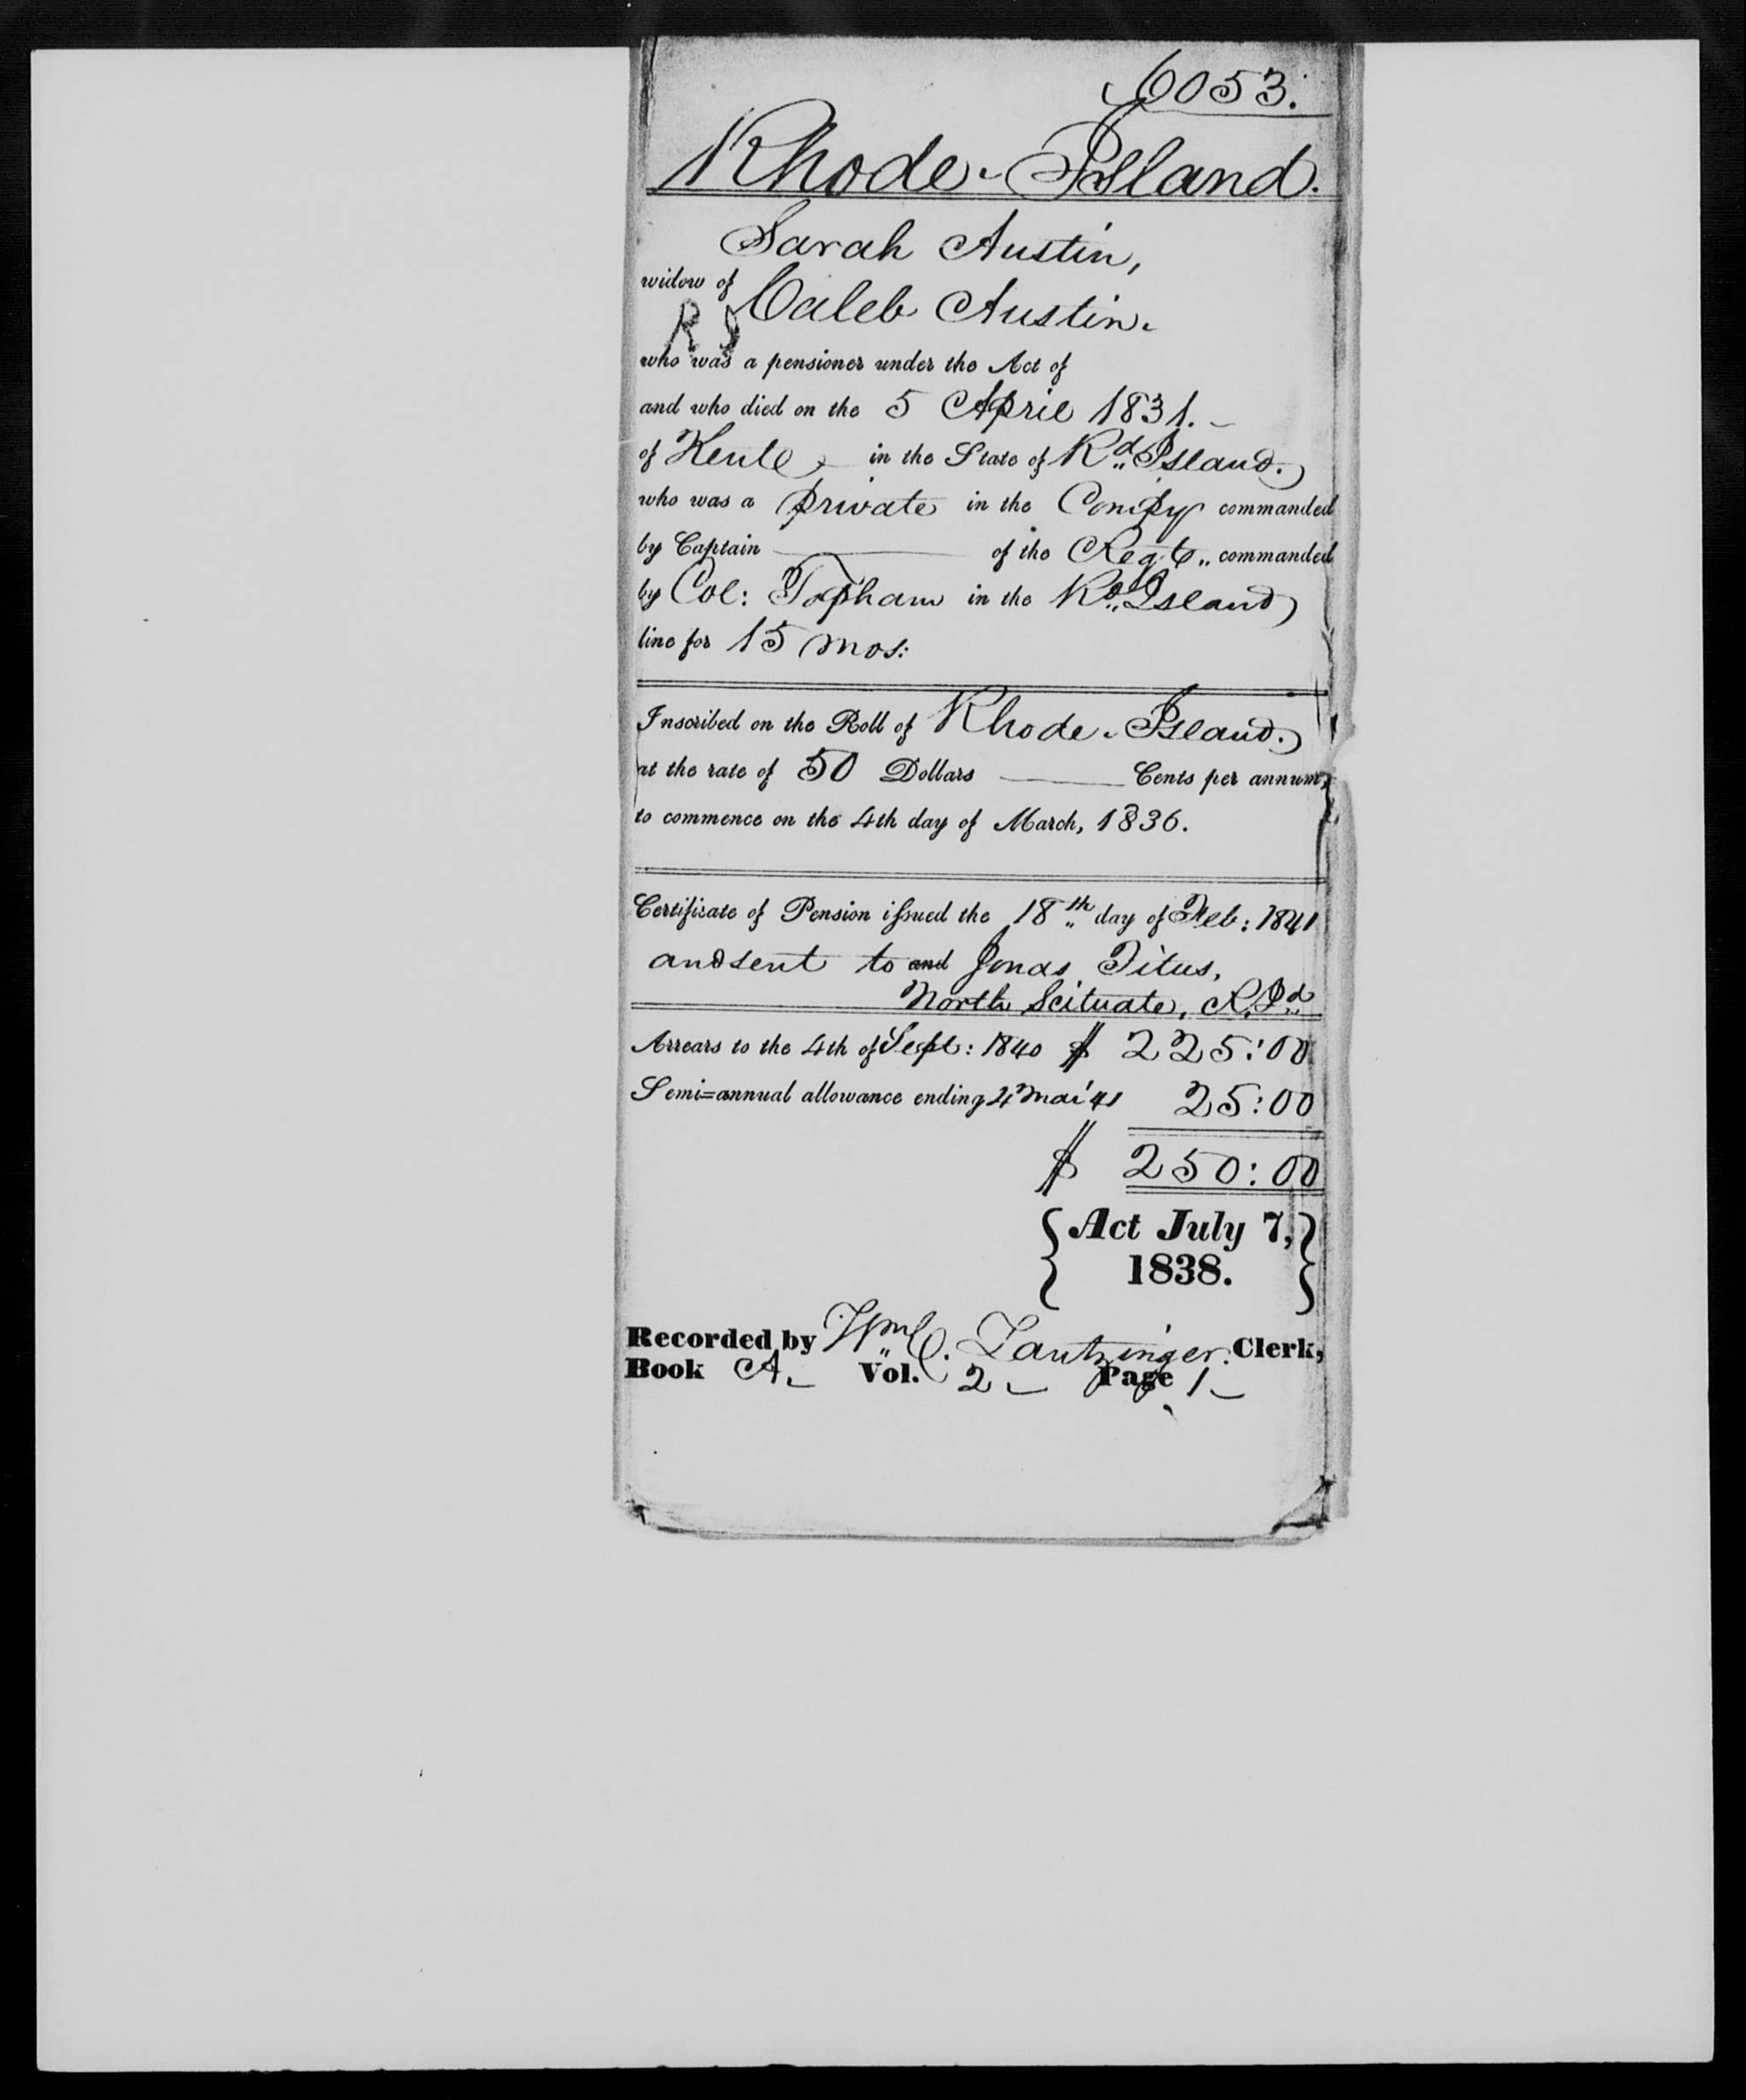6053
Rhode island.
Sarah Austin, widow of Caleb Austin R I who was a pensioner under the Act of __________ and who died on the 5 April 1831.- of Kent in the State of Rd. Island who was a private in the Compy commanded by Captain ___________ of the Regt commanded by Col. Topham in the Rd. Island line for 15 mos.
Inscribed on the Roll of Rhode Island at the rate of 50 Dollars _____ Cents per annum, to commence on the 4th day of March, 1836.
Certificate of Pension issued the 18th day of Feb. 1841 and sent to Jonas Titus, North Scituate, R. I.
Arrears to the 4th of Sept. 1840  $225.00
Semi=annual allowance ending 4 Mar '41  25.00
Total  $250.00
{Act July 7, 1838.}
Recorded by Wm C. Lantzinger, Clerk,
Book A, Vol. 2, Page 1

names: Jonas Titus, Caleb Austin, Sarah Austin, Topham, Wm C Zantzinger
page: 2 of 18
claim: widow's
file: W. 20640, Caleb Austin, R.I.